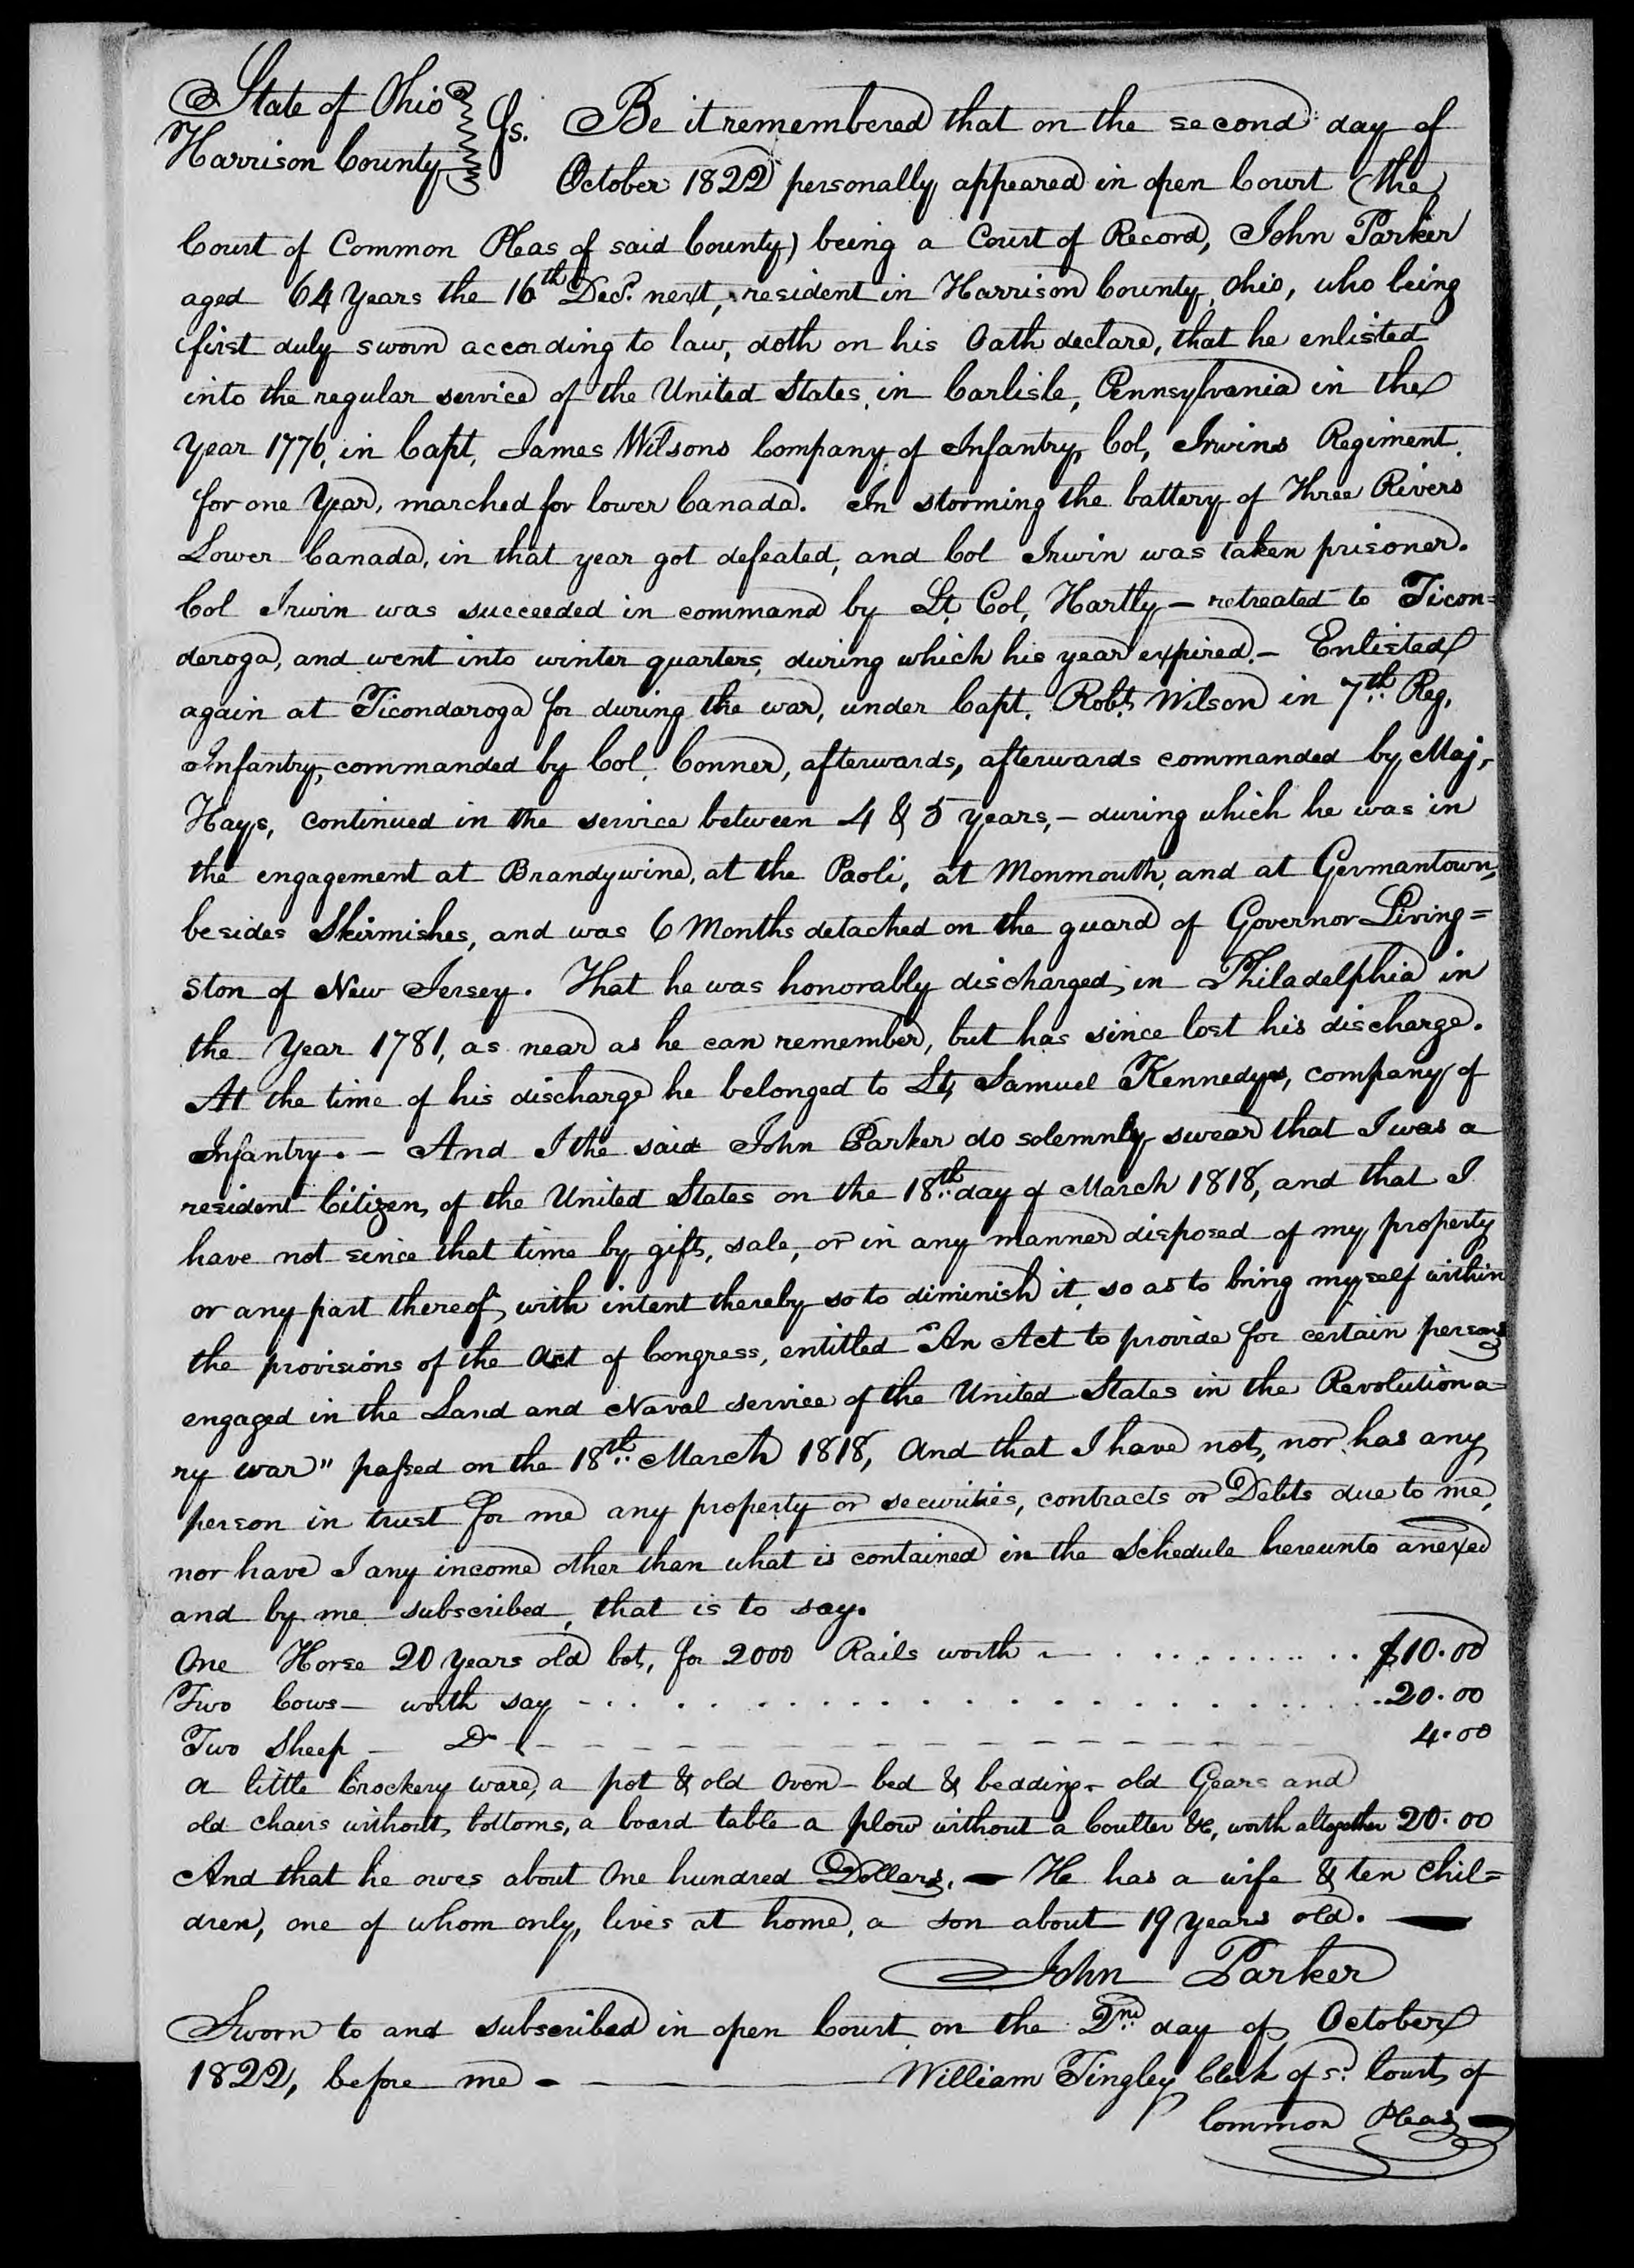State of Ohio }
Harrison County } SS. Be it remembered that on the second day of October 1822 personally appeared in open Court (the Court of Common Pleas of said County) being a Court of Record, John Parker aged 64 years the 16th Dec. next, resident in Harrison County, Ohio, who being first duly sworn accord to law, doth on his Oath declare, that he enlisted into the regular service of the United States in Carlisle, Pennsylvania in the year 1776, in Capt. James Wilsons [sic] Company of Infantry, Col. Irwins [sic] Regiment for one year, marched for lower Canada. In storming the battery of Three Rivers Lower Canada, in that year got defeated, and Col. Irwin was taken prisoner. Col. Irwin was succeeded in command by Lt. Col. Hartly, retreated to Ticonderoga, and went into winter quarters, during which his year expired. Enlisted again at Ticonderoga for during the war, under Capt. Robt. Wilson in 7th Reg. of Infantry, commanded by Col. Conner, afterwards, afterwards [sic, repeated word] commanded by Maj. Hays, continued in the service between 4 & 5 years, during which he was in the engagement at Brandywine, at the Paoli, at Monmouth, and at Germantown, besides skirmishes, and was 6 months detached on the guard of Governor Livingston of New Jersey. That he was honorably discharged in Philadelphia in the year 1781, as near as he can remember, but has since lost his discharge. At the time of his discharge he belonged to Lt. Samuel Kennedys [sic], company of Infantry. And I the said John Parker do solemnly swear that I was a resident Citizen of the United States on the 18th day of March 1818, and that I have not since that time by gift, sale, or in any manner disposed of my property or any part thereof with intent thereby so to diminish it so as to bring myself within the provisions of the Act of Congress, entitled "An Act to provide for certain persons engaged in the Land and Naval service of the United States in the Revolutionary war" passed on the 18th March 1818, and that I have not, nor has any person in trust for me any property or securities, contracts or Debts due to me, nor have I any income other that what is contained in the Schedule hereunto anexed [sic] and by me subscribed, that is to say.
One Horse 20 years old bot [sic], for 2000 Rails worth ...$10.00
Two Cows worth say ....20.00
Two Sheep D [ditto]... 4.00
a little Crockery ware, a pot & old ovon [sic], bed & bedding old, Gears and old chains without, bottoms, a board table a plow without a Coulter, &c. worth altogether 20.00
And that he owes about one hundred Dollars. He has a wife & ten children, one of whom only, lives at home, a son about 19 years old.
//s// John Parker
Sworn to and subscribed in open Court on the 2nd day of October 1822, before me. 
//s// William Tingley Clerk of Court of s. Common of Pleas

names: [BLANK] Conner; [BLANK] Hays; Robt Wilson; [BLANK] Irwin; William Tingley; John Parker; [BLANK] Hartly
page: 5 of 40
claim: widow's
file: W. 3,588, for John Parker, Pennsylvania